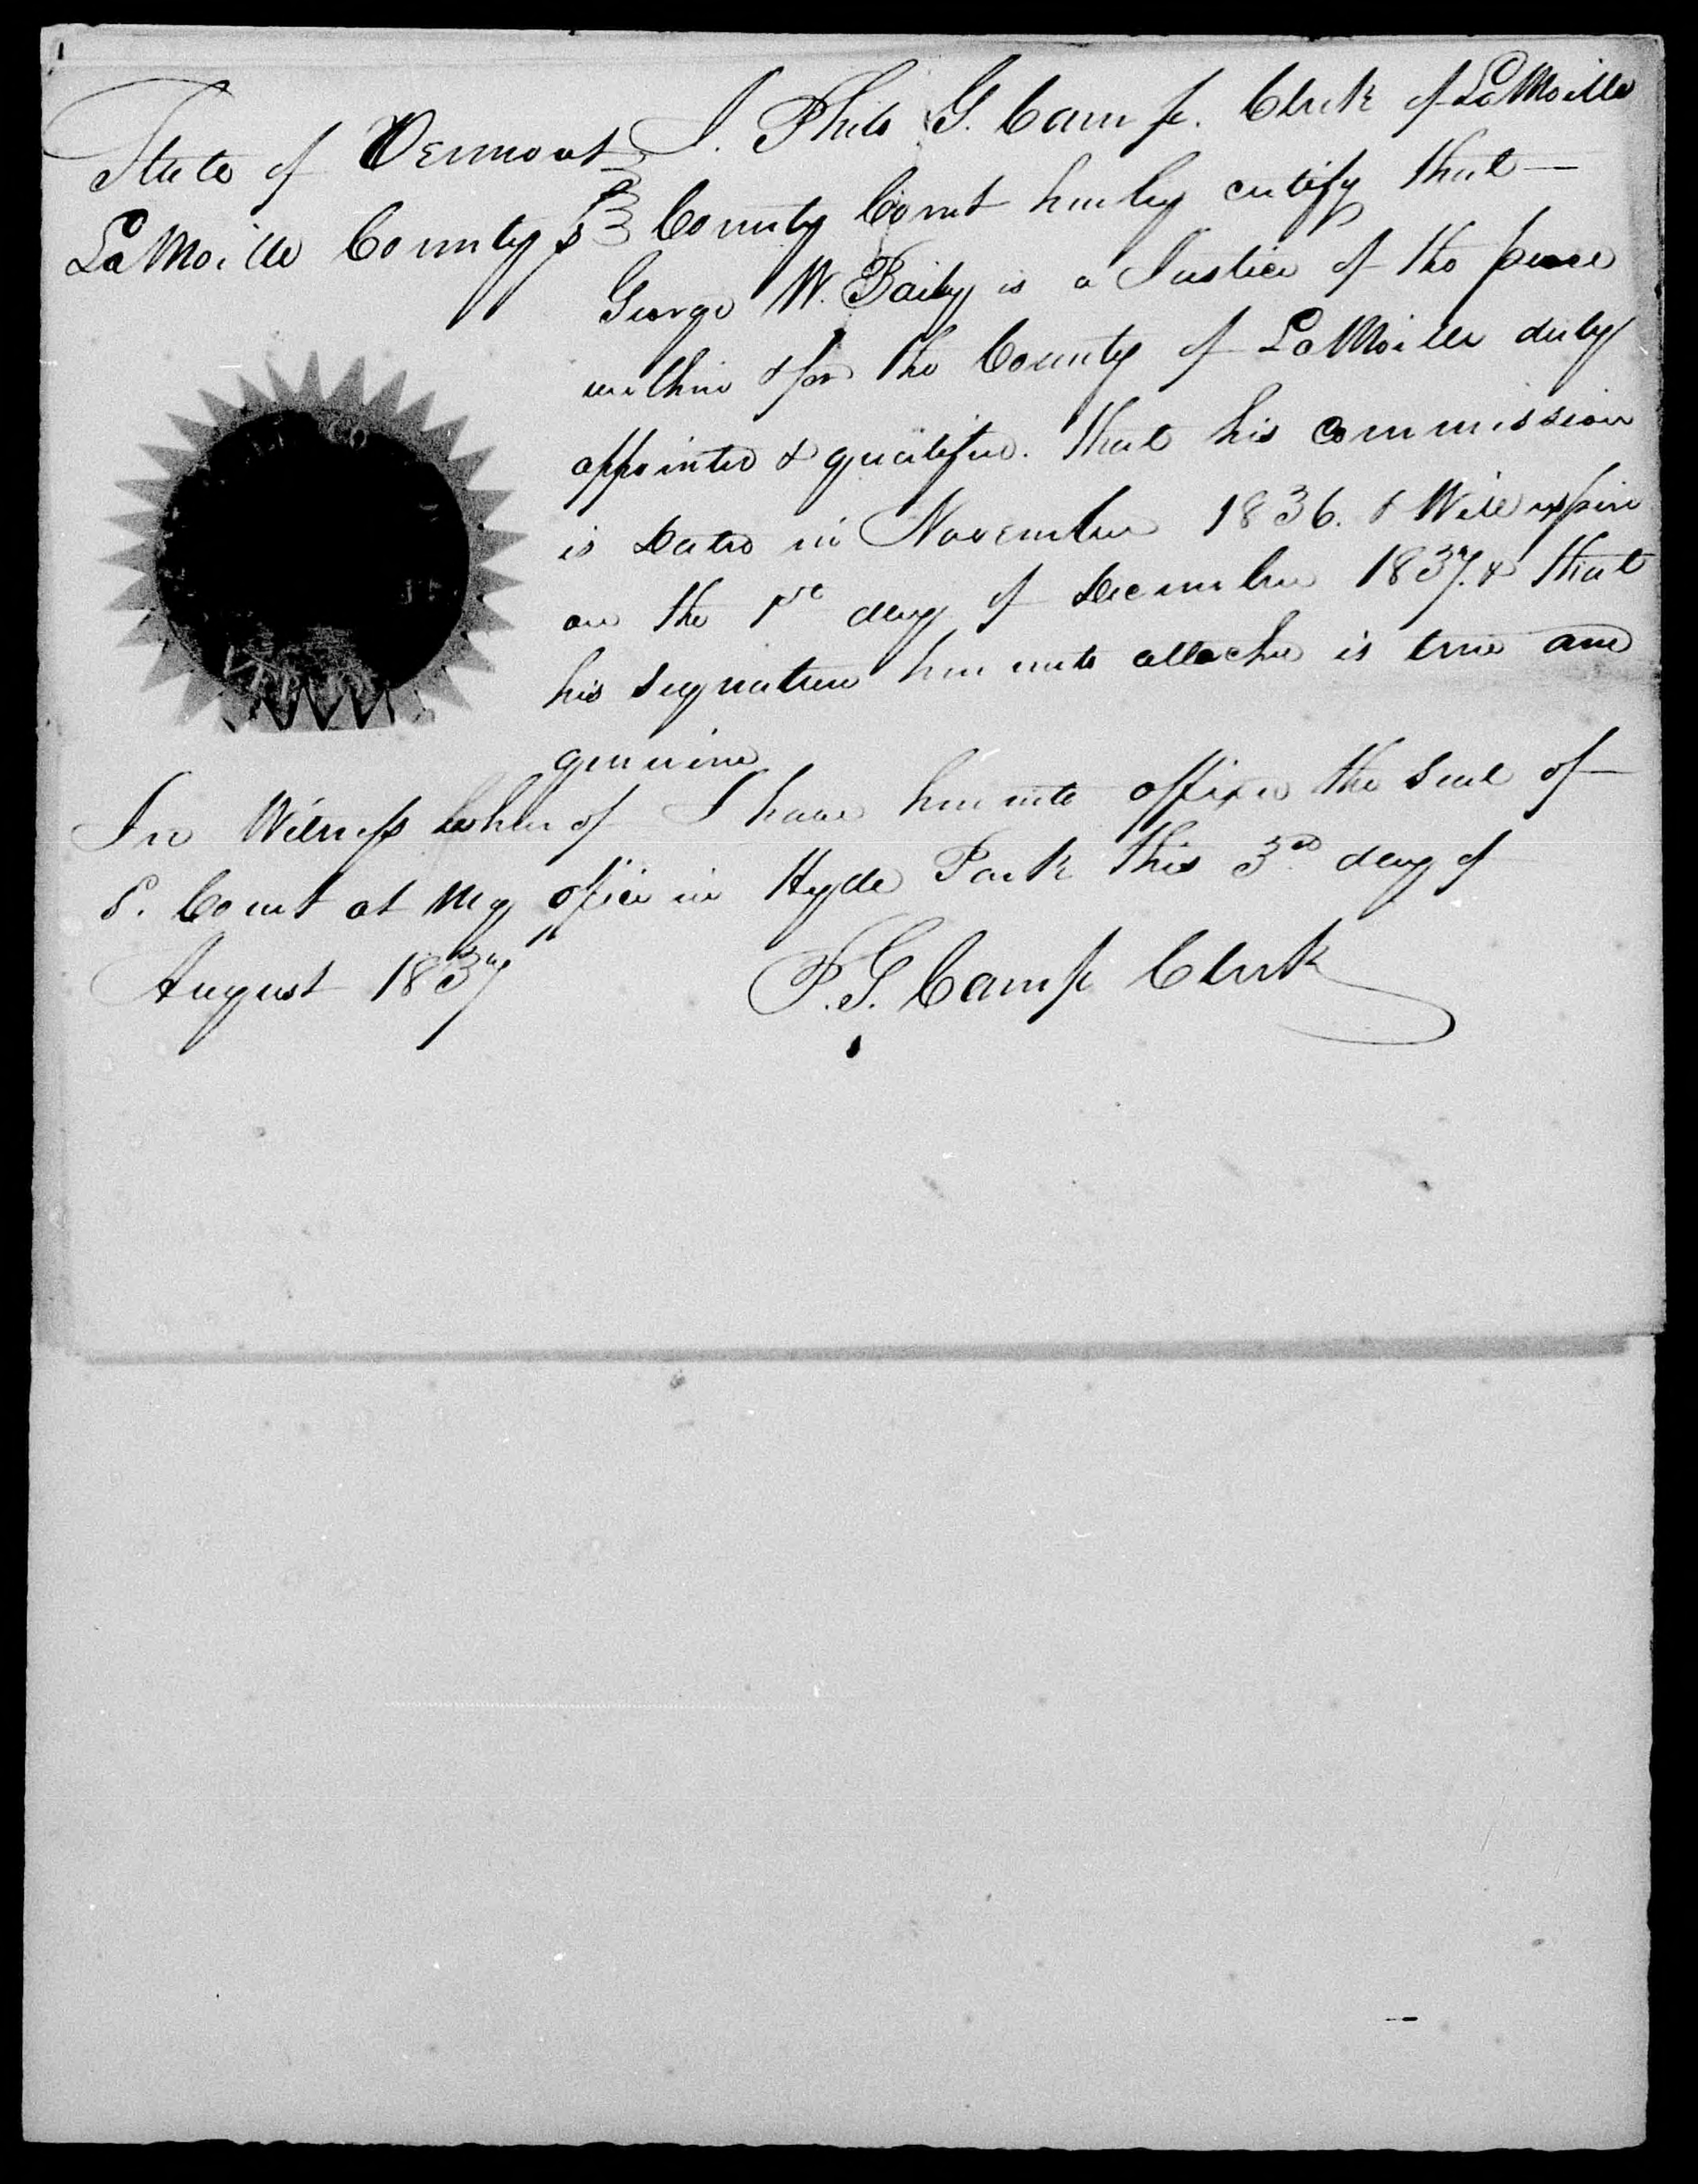State of Vermont    )
LaMoille County fs )

I Philo G. Camp Clerk of LaMoille County Court hereby certify that--George W. Bailey is a Justice of the peace within & for the County of LaMoille duly appointed & qualified.  That his commission is Dated in November 1836 & Will expire on the 1st day of December 1837 & that his signature hereunto attached is true and genuine

In Witnefs whereof I have hereunto affixed the Seal of s'd Court at my office in Hyde Park this 3rd day of August 1837
P.G. Camp  Clerk

[illegible seal affixed to the left of the above paragraph]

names: Phil G Camp, P G Camp, George W Bailey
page: 7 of 18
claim: widow's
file: W. 21,147, Nehemiah French, Mass. Or N.H.